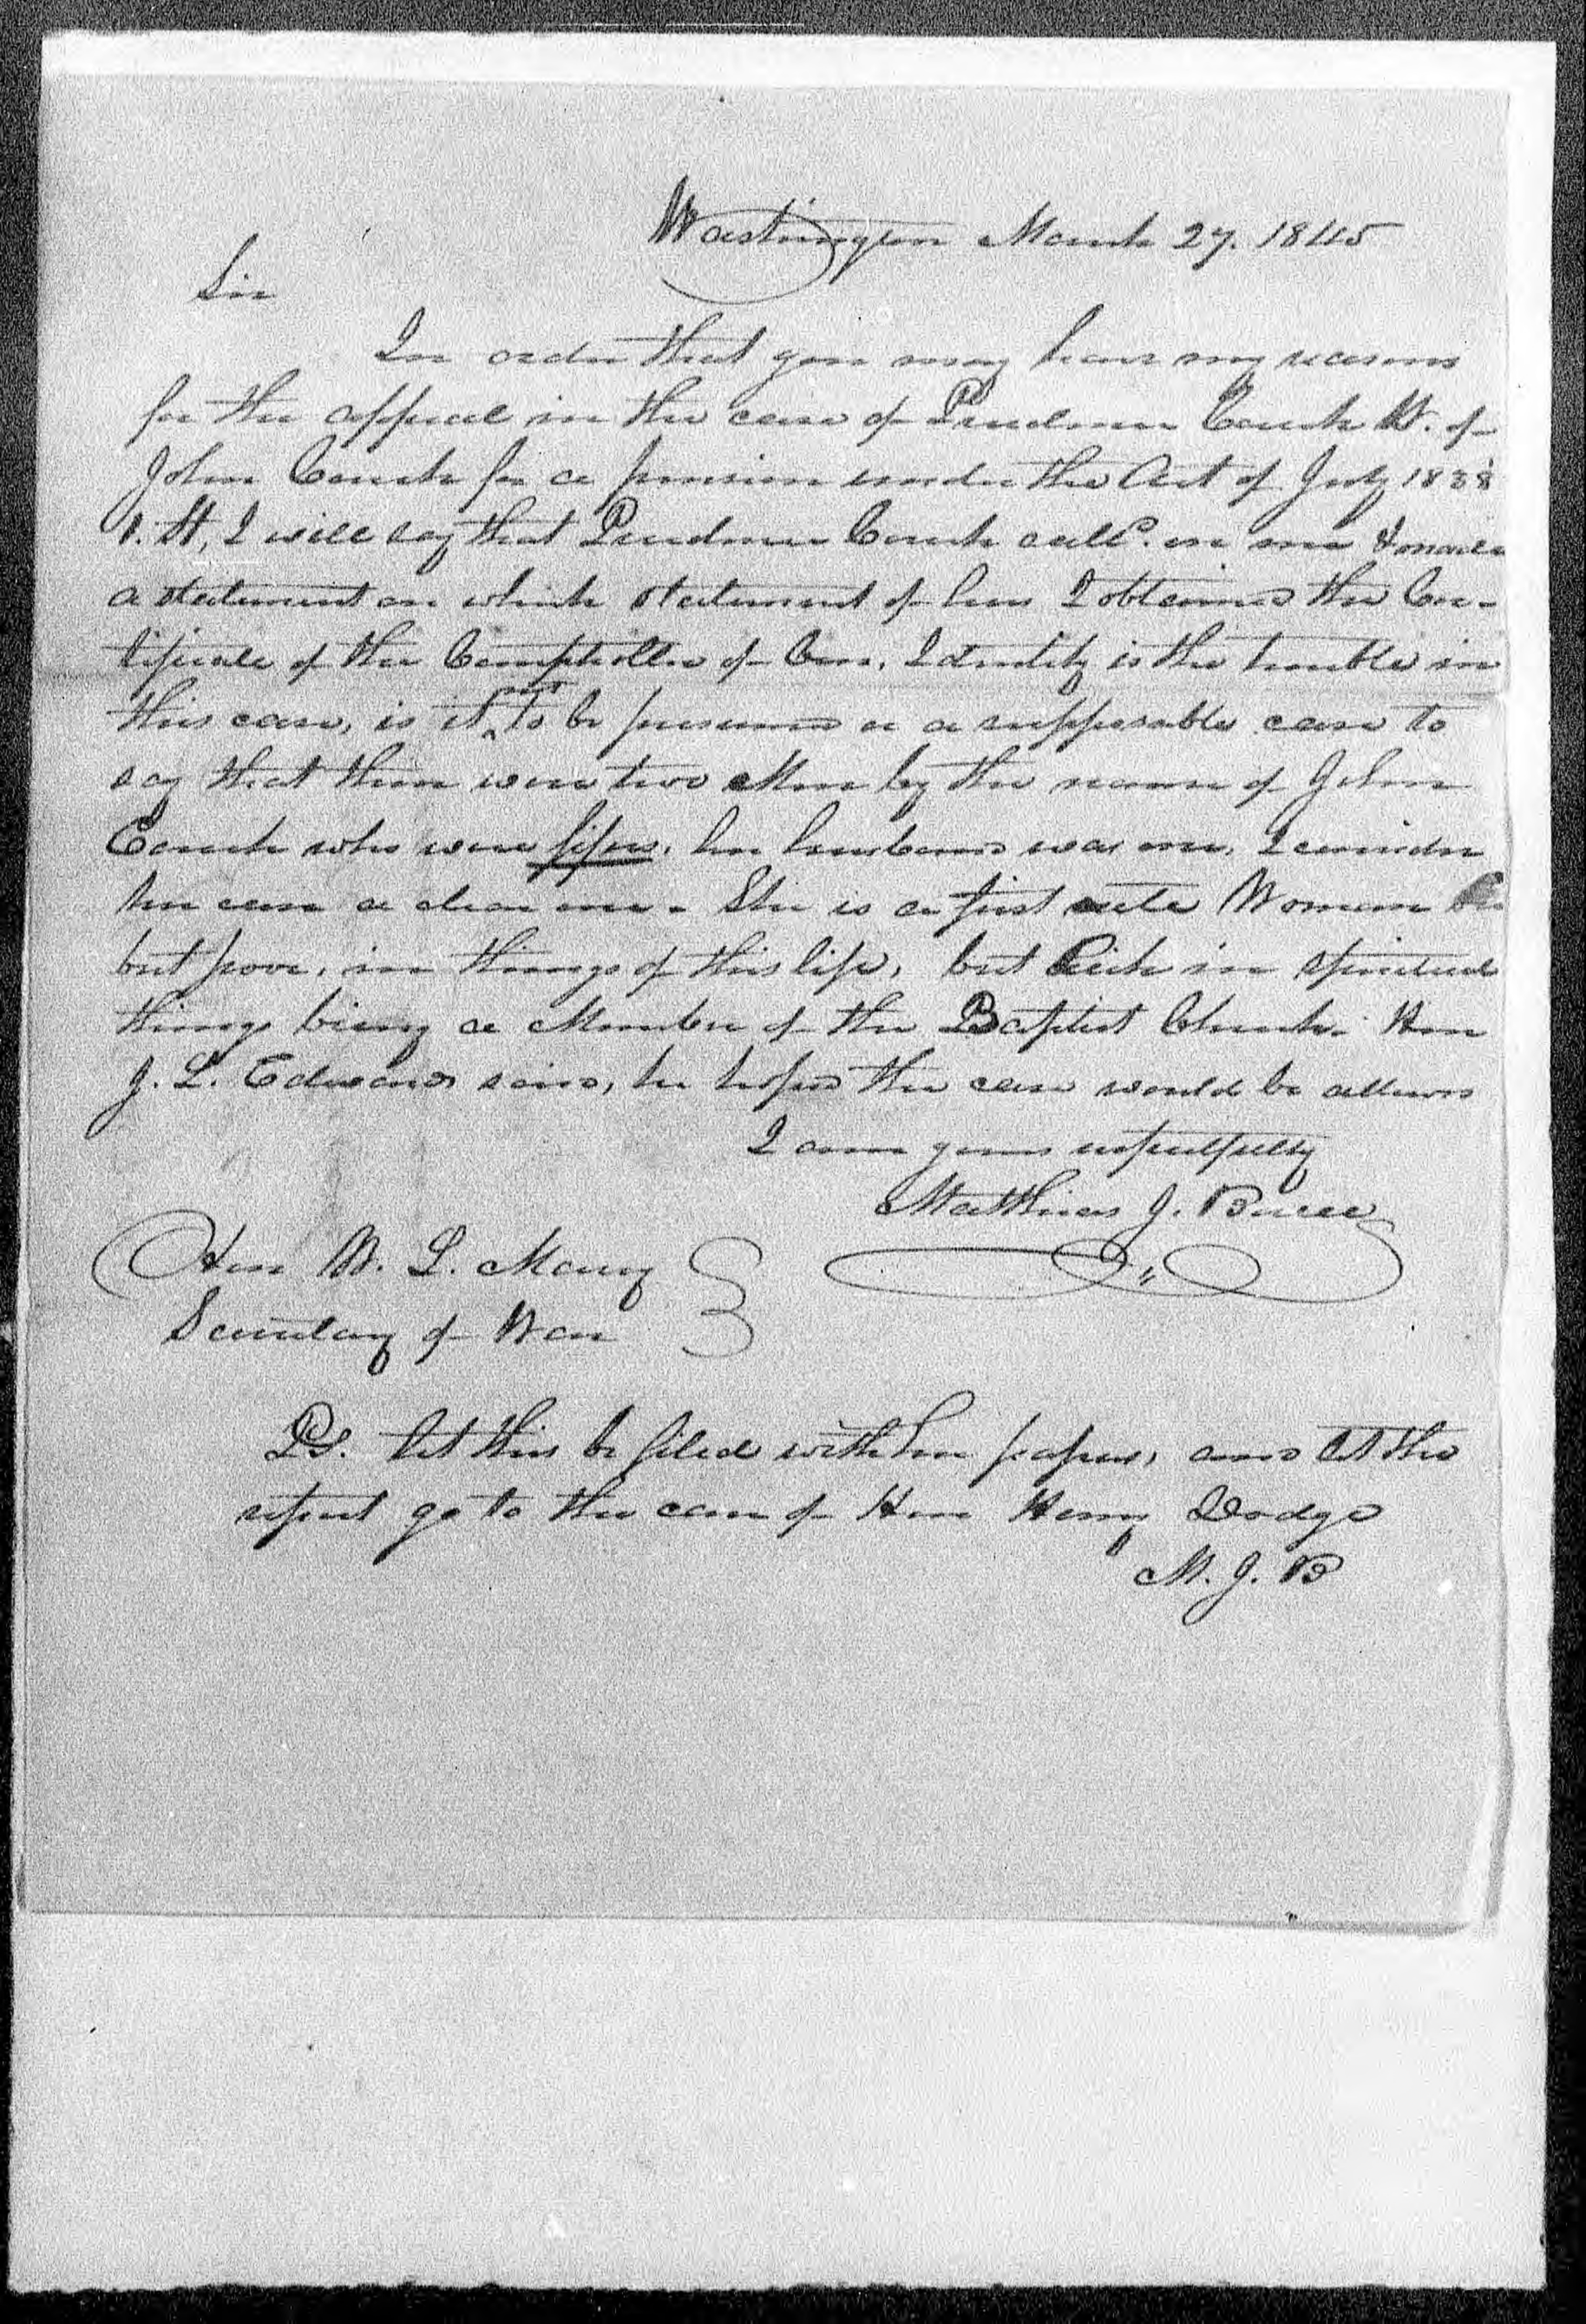Washington March 27, 1845
Sir
In order that you may hear my reasons for the offence in the case of Prudence Couch W. of John Couch for a pension under the Act of July 1838 1 st, I will say that Prudence Couch calld in one & made a statement on which statement of hers I obtained the Certificate of the Comptroller of Ours, Identity is the trouble in this case, is it not to be foresworn or a supposable case to say that there were two [illegible] by the name of John Couch who were fifers, her husband was one, I consider her case a clear one. she is a first [illegible] Woman but poor, in things of this life, but Rich in spiritual things being a Member of the Baptist Church, Hon J.L. Edwards said he [illegible] this case would be allowed.
I am your respectfully
Mathias J. Bovee
Hon M.L. Marcy
Secretary of War
P.S. let this be filed with her papers, and let the subject of to the care of Hon Henry Dodge
M.G. B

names: W L Marcy, J L Edwards, Henry Dodge, Prudence Couch, Prudence Couch, Matthias J Bovee, John Couch, John Couch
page: 39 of 68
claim: rejected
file: R. 2,360, John Couch, Conn.